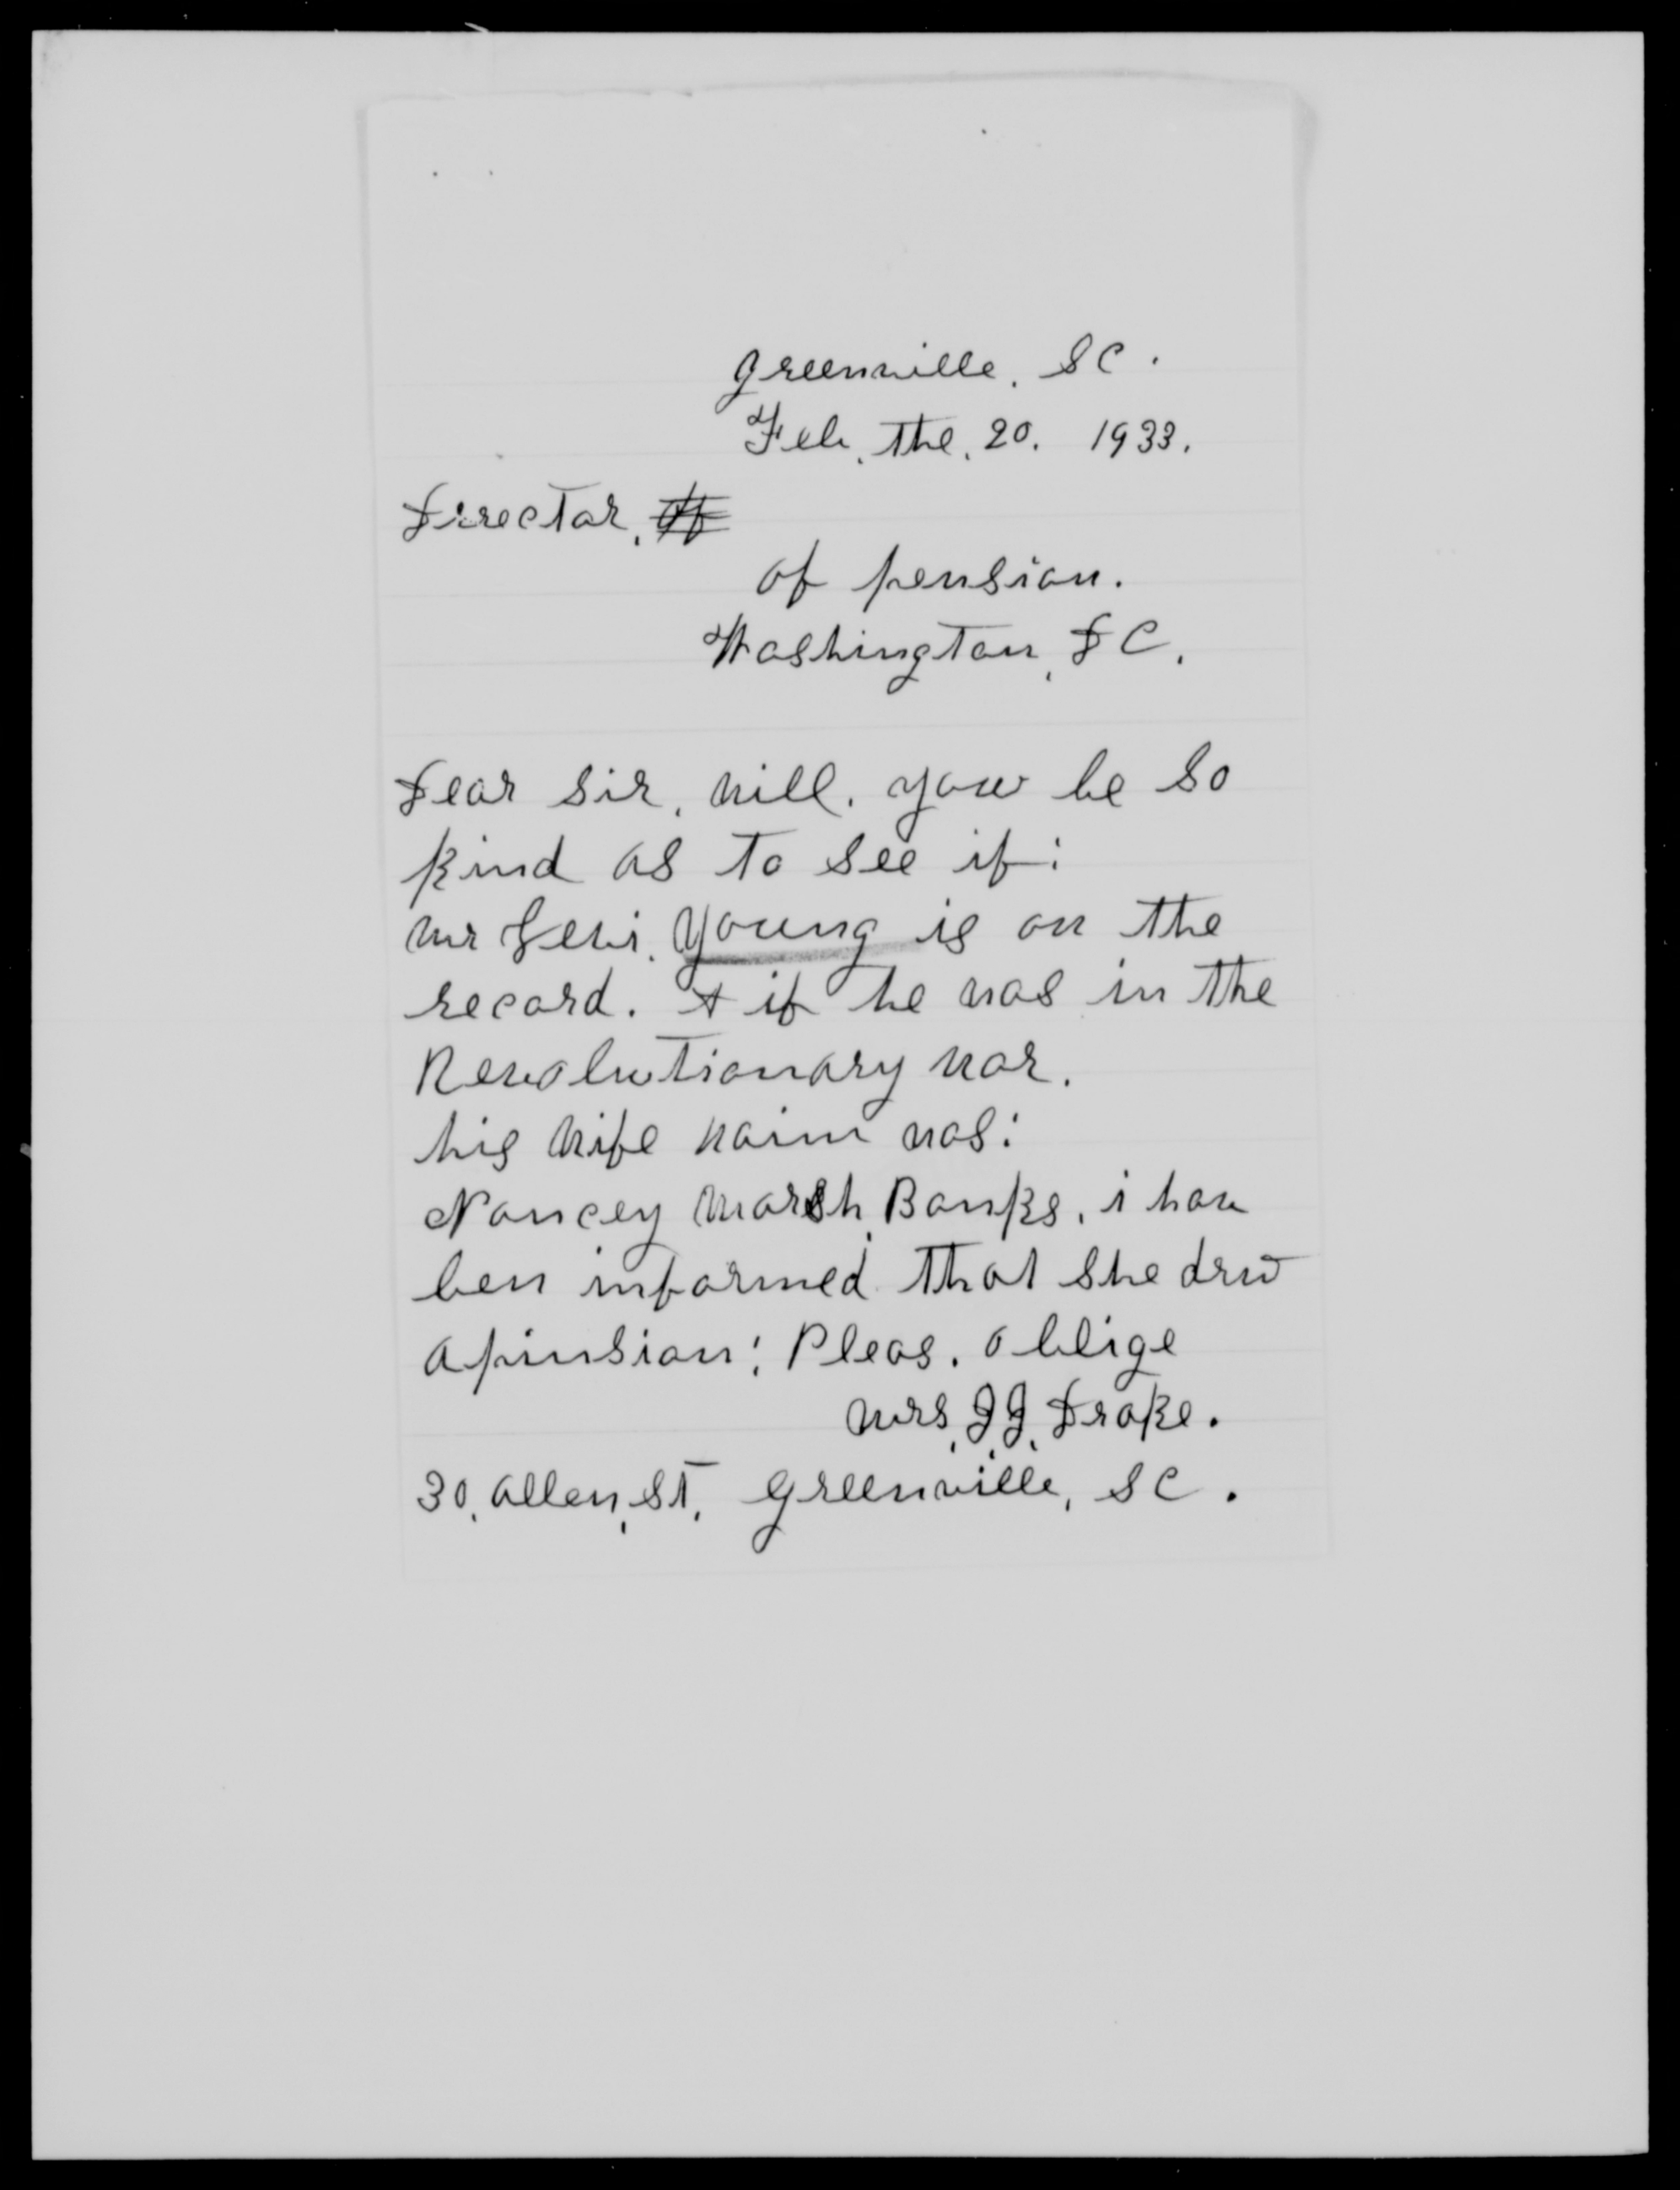Greenville, SC [South Carolina]
Feb. the 20, 1933.
Director
of Pension.
Washington, DC.

Dear Sir, will you be so
kind as to see if:
Mr. Levi Young is on the
record. + if he was in the
Revolutionary war.
his wife naim (sic name) was:
Nancey Marsh Banks, i have
ben (sic been) informed that she drw (sic drew)
a pinsian (sic pension): Pleas. (sic please) oblige
Ours (sic Yours)  J.J. Drake.
30 Allen St. Greenville, SC. [South Carolina]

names: Nancey Marchbanks, J J Drake, Levi Young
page: 31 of 56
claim: widow's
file: W. 9040, Levi Young, Ga. New Jersey S.C.